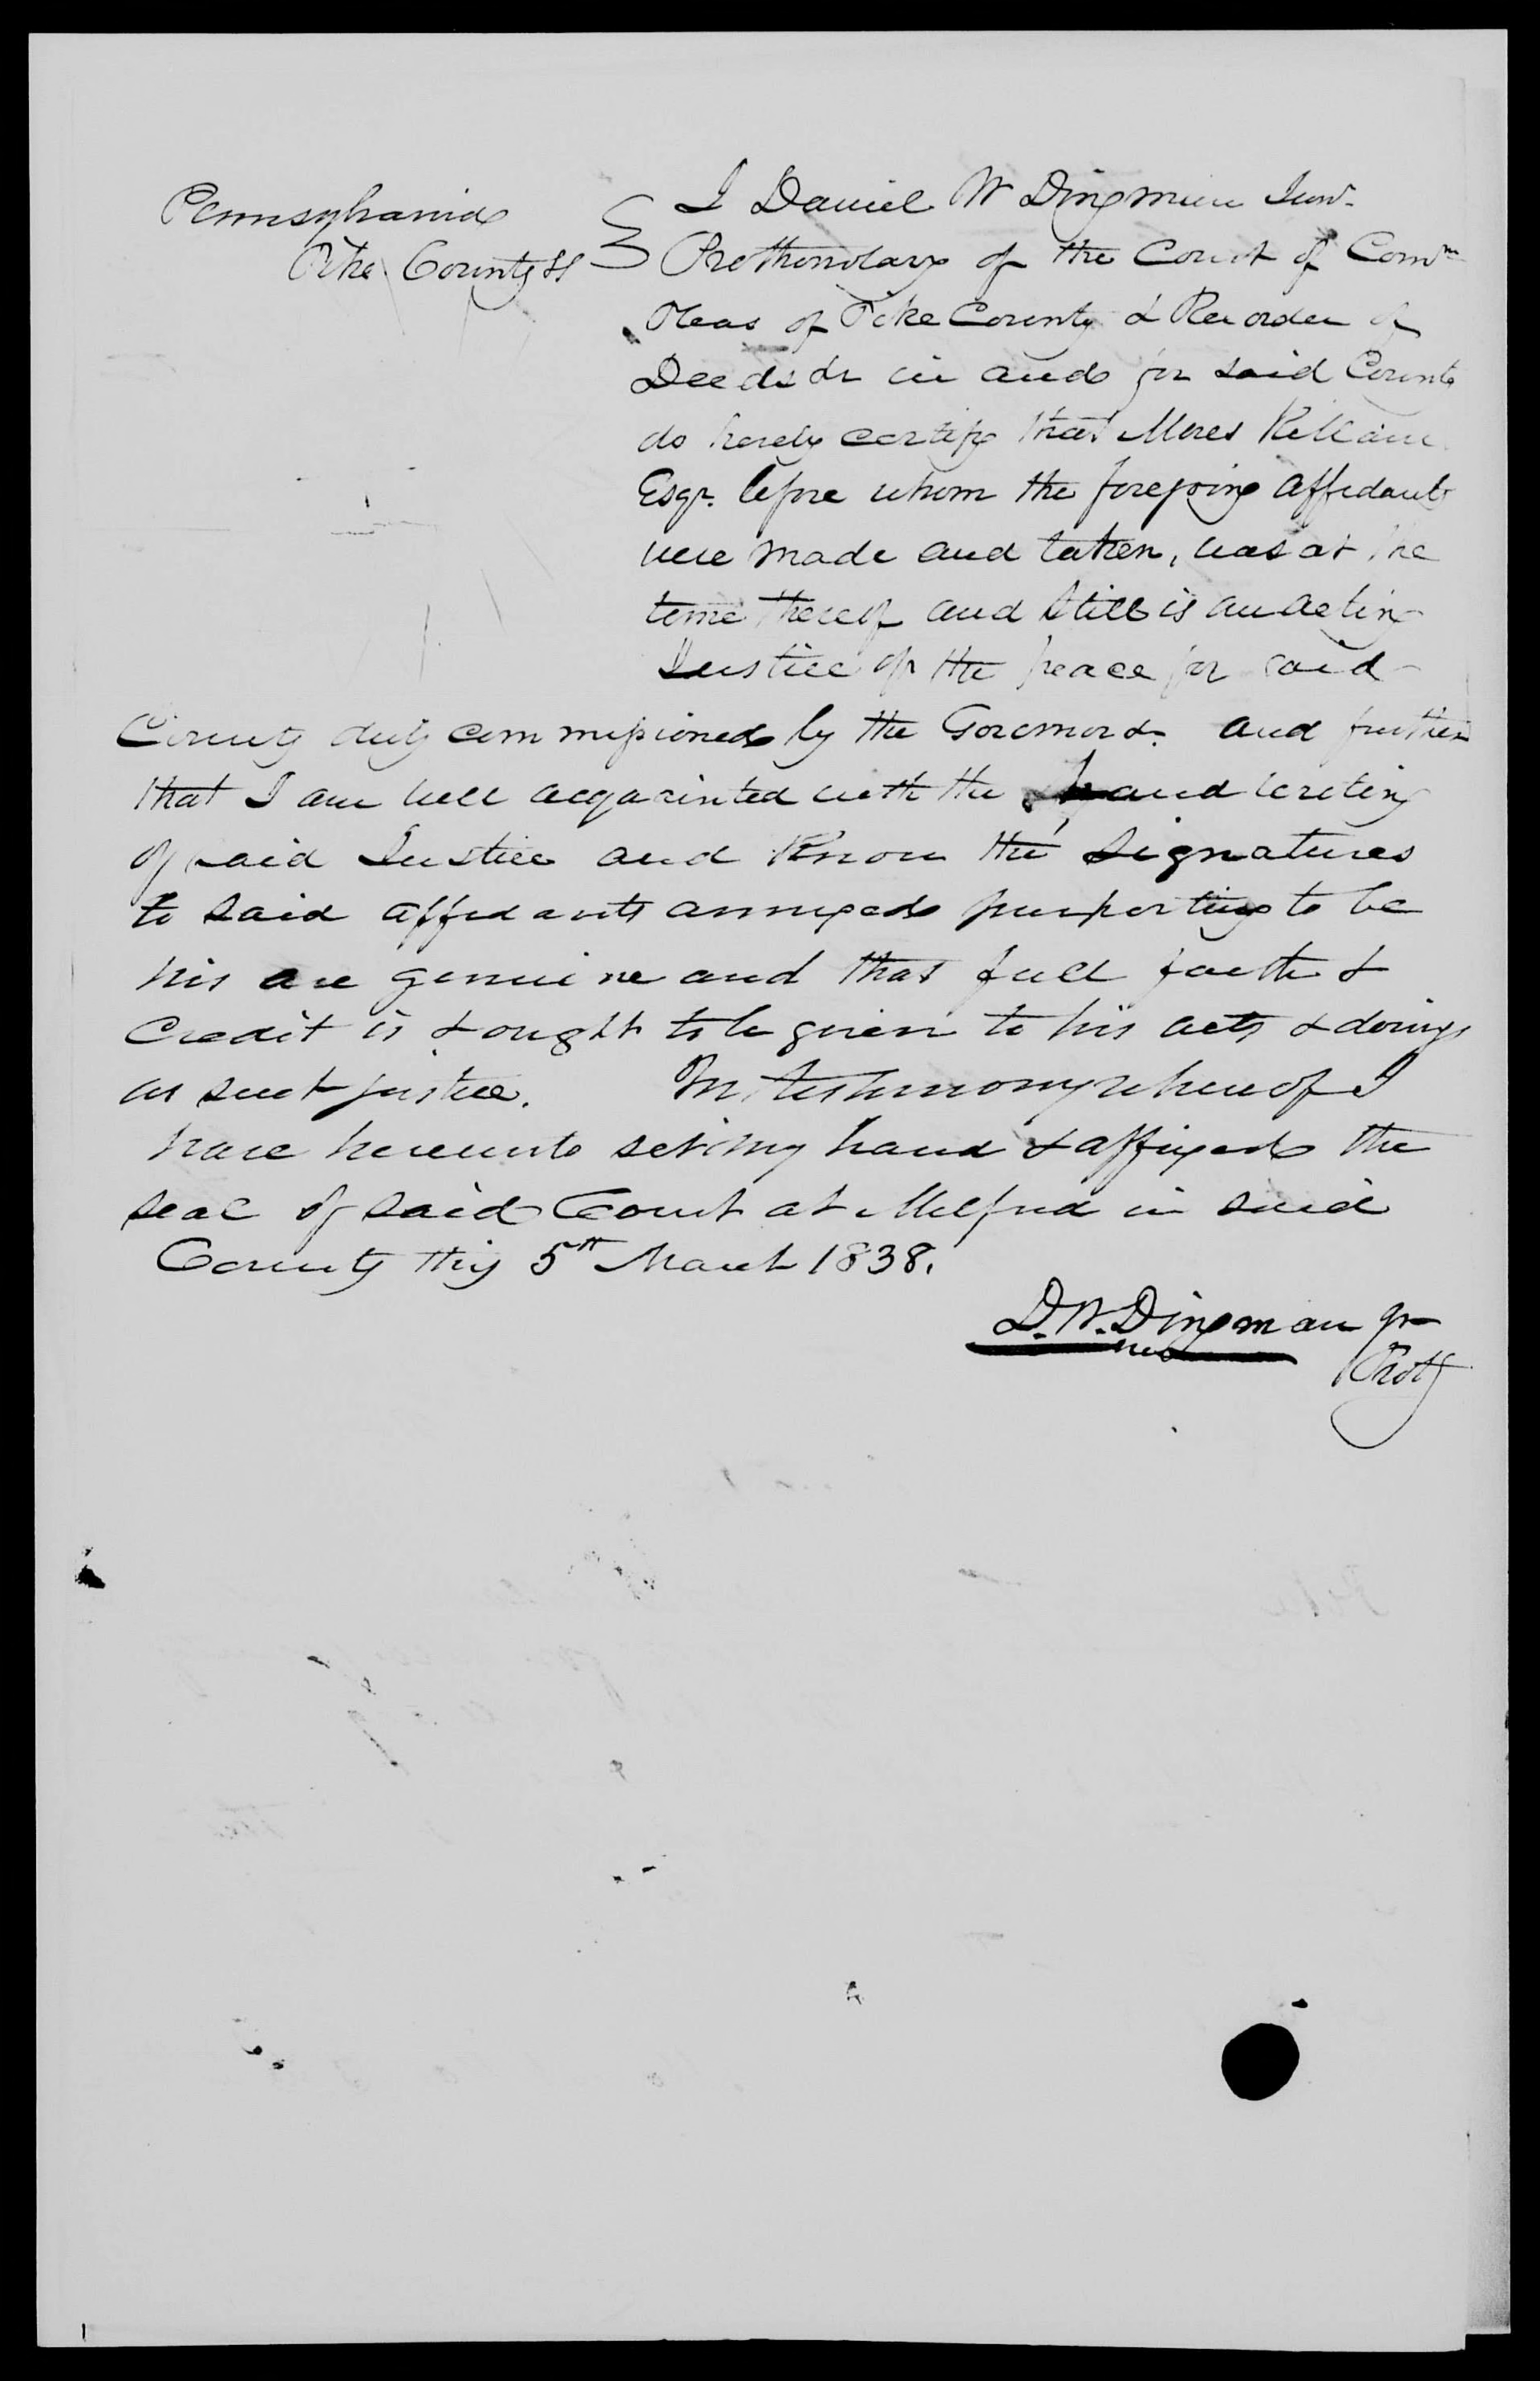Pennsylvania
Pike County Ss
I Daniel W Dingman Junr Prothonotary of the Court of Com Pleas of Pike County & Recorder of
Deeds in and for said County do hereby certify that Moses Killam Esqr before whom the foregoing affidavits were made and taken, was at the time thereof and still is an acting Justice of the peace for said County duly commissioned by the Governor and further that I am well acquainted with the hand writing of said Justice and know the signatures to said affidavits annexed purporting to be his are genuine and that full faith & credit is & ought to be given to his act & doings as such justice. 
In testimony whereof I have hereunto set my hand & affixed the seal of said Court at Milford in said
County this 5th March 1838,
D. W. Dingman Jr
Prothy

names: D W Dingman, Daniel W Dingman, Moses Killam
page: 52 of 79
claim: widow's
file: W. 2,906, Stephen Bennet, Conn.